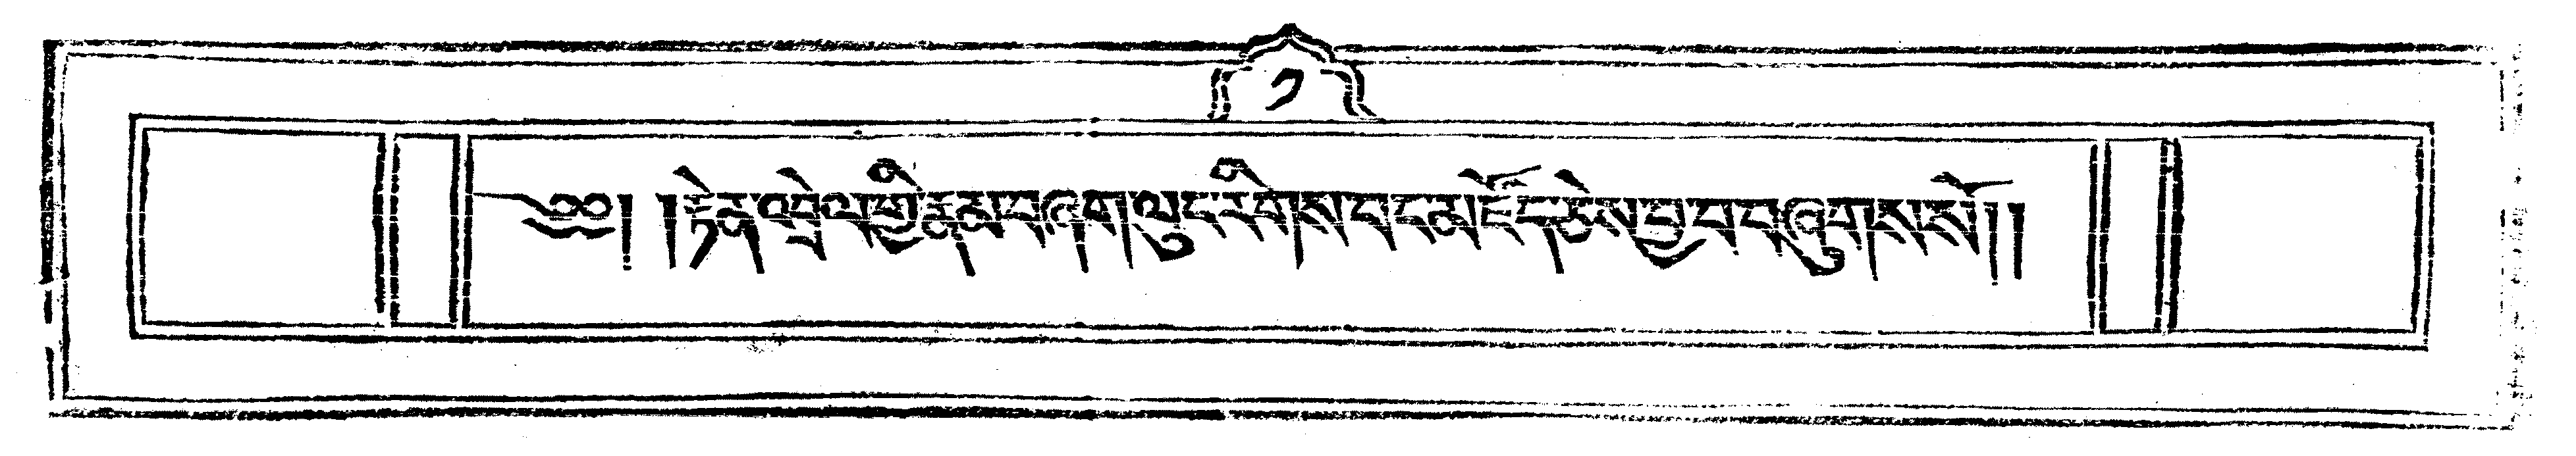༄༅༅། །རྟེན་འབྲེལ་གྱི་རྣམ་བཞག་ལུང་རིགས་བང་མཛོད་ཅེས་བྱ་བ་བཞུགས་སོ། །